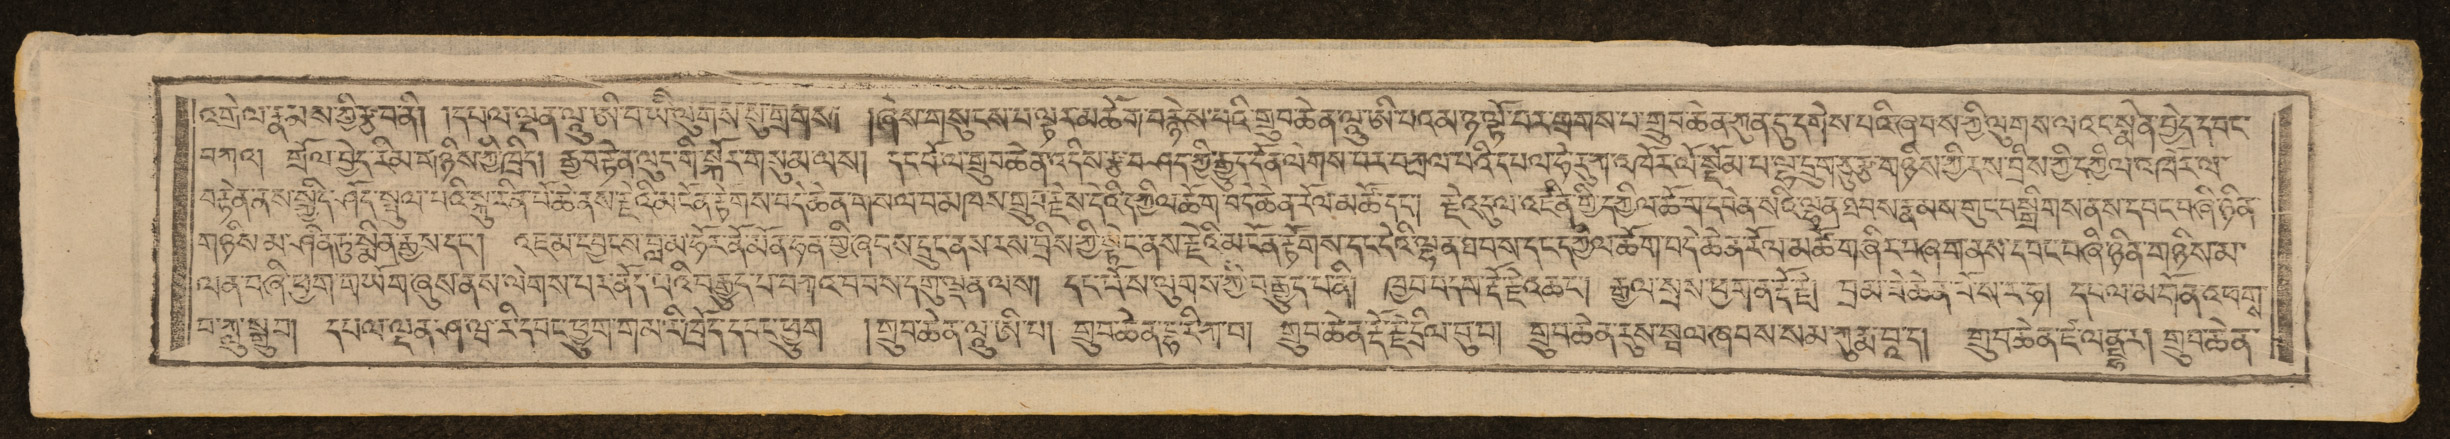འགྲེལ་རྣམས་ཀྱི་རྩ་བ་ནི། །དཔལ་ལྡན་ལཱུ་ཨི་བ་ཡི་ལུགས་སུ་གྲགས། །ཞེས་གསུངས་པ་ལྟར་མཆོག་བརྙེས་པའི་གྲུབ་ཆེན་ལཱུ་ཨི་པའམ་ཉ་ལྟོ་བར་གྲགས་པ་གྲུབ་ཆེན་ཀུན་དུ་དགེས་པའི་ཞབས་ཀྱི་ལུགས་ལའང་སྨིན་བྱེད་དབང་
བཀའ། གྲོལ་བྱེད་རིམ་གཉིས་ཀྱི་ཁྲིད། རྒྱ་བརྟེན་ལུང་གི་སྐོར་གསུམ་ལས། དང་པོ་ལ་གྲུབ་ཆེན་འདིས་རྩ་བཤད་ཀྱི་རྒྱུད་དོན་ལེགས་པར་བཀྲལ་བའི་དཔལ་ཧེ་རུ་ཀ་འཁོར་ལོ་སྡོམ་པ་ལྷ་དྲུག་ཅུ་རྩ་གཉིས་ཀྱི་རས་བྲིས་ཀྱི་དཀྱིལ་འཁོར་ལ་
བརྟེན་ནས་སྐྱིད་ཤོད་སྤུལ་པའི་སྐུ་རིན་པོ་ཆེ་ནས་རྗེའི་མངོན་རྟོགས་བདེ་ཆེན་གསལ་བ་མཁས་གྲུབ་རྗེས་དེའི་དཀྱིལ་ཆོག་བདེ་ཆེན་རོལ་མཚོ་དང་། རྗེ་འདུལ་འཛིན་གྱི་དཀྱིལ་ཆོག་དཔེན་སའི་ལྷན་ཐབས་རྣམས་གུང་བསྒྲིགས་ནས་དབང་བཞི་ཉིན་
གཉིས་མ་ཤིན་ཏུ་སྨིན་རྒྱས་དང་། འཇམ་དབྱངས་བླ་མ་ཧོར་ནོ་མོན་ཧན་གྱི་ཞབས་དྲུང་ནས་རས་བྲིས་ཀྱི་སྟེང་ནས་རྗེའི་མངོན་རྟེགས་དང་དེའི་ལྷན་ཐབས་དང་དཀྱིལ་ཆོག་བདེ་ཆེན་རོལ་མྩོ་གཞིར་བཞག་ནས་དབང་བཞི་ཉིན་གཉིས་མ་
ལན་བཞི་ཕྱག་གཡོག་ཞུས་ནས་ལེགས་པར་ནོད་པའི་བརྒྱུད་པ་བཀའ་བབས་དགུ་ལྡན་ལས། དང་པོས་ལུགས་ཀྱི་བརྒྱུད་པ་ནི། ཁྱབ་བདག་རྡོ་རྗེ་འཆང་། རྒྱལ་སྲས་ཕྱག་ན་རྡོ་རྗེ། བྲམ་ཟེ་ཆེན་པོ་ས་ར་ཧ། དཔལ་མགོན་འཕགས་
བ་ཀླུ་སྒྲུབ། དཔལ་ལྡན་ཤ་ཝ་རི་དབང་ཕྱུག་གམ་རི་ཁྲོད་དབང་ཕྱུག །གྲུབ་ཆེན་ལཱུ་ཨི་པ། གྲུབ་ཆེན་དྷ་རི་ཀ་བ། གྲུབ་ཆེན་རྡོ་རྗེ་དྲིལ་བུ་བ། གྲུབ་ཆེན་རུས་སྦལ་ཞབས་སམ་ཀུ་རྨ་བཱ་ད། གྲུབ་ཆེན་ཛལ་ནྡྷར། གྲུབ་ཆེན་